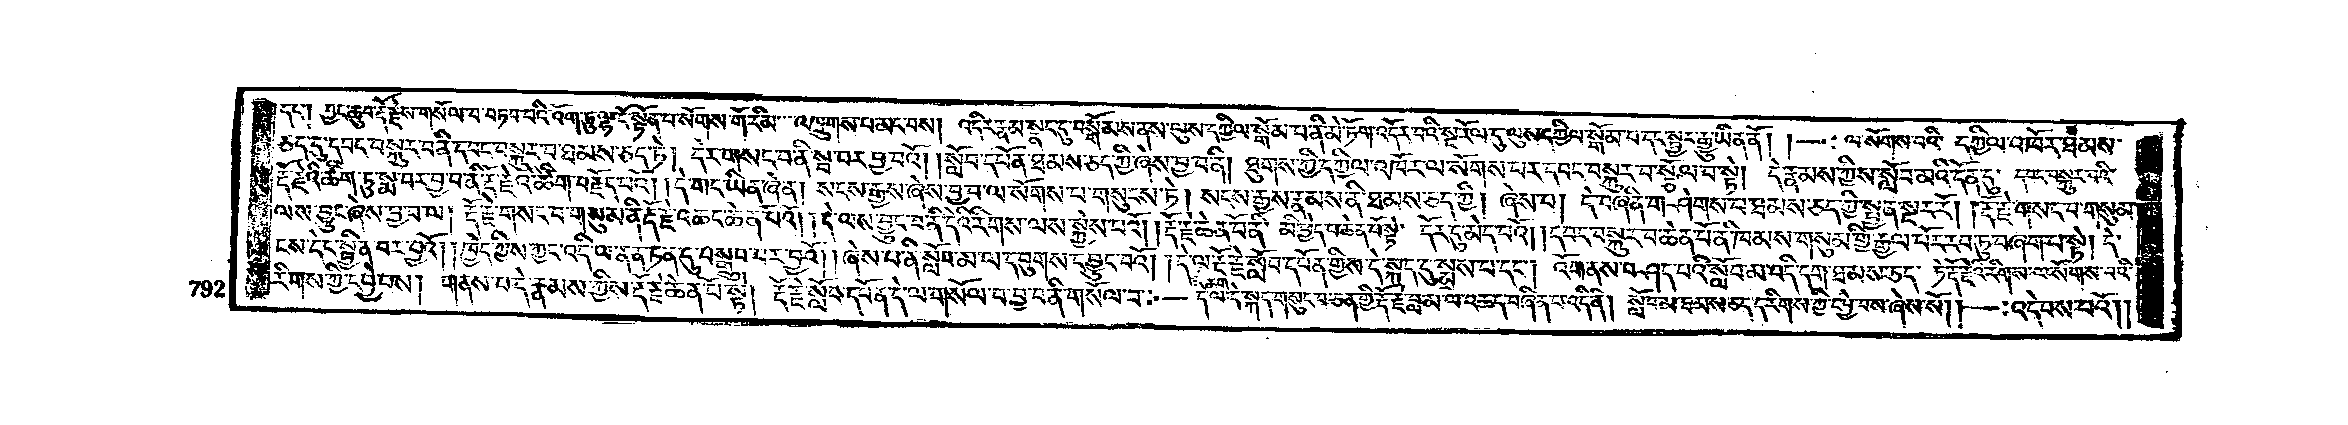དང་། བྱང་ཆུབ་རྡོ་རྗེས་གསོལ་བ་བཏབ་པའི་འོག་ཏུ་ལྷ་ངོ་སྟོན་པ་སོགས་རོ་རིམ་འཁྲུགས་པ་མང་བས། འདིར་རྣམ་སྣང་དུ་བསྒོམས་ནས་ལུས་དཀྱིལ་བསྒོམ་པ་ནི་མེ་ཏོག་འདོར་བའི་སྔ་རོལ་ཏུ་ལུས་དཀྱིལ་སྒོམ་པ་དང་སྦྱར་རྒྱུ་ཡིན་ནོ། ། H.་ལ་སོགས་པའི་དཀྱིལ་འཁོར་ཐམས་
ཅད་དུ་དབང་བསྐུར་བ་ནི་དབང་བསྐུར་བ་ཐམས་ཅད་ཏེ། དེར་གསང་བ་ནི་སྦ་བར་བྱ་བའོ། །སློབ་དཔོན་ཐམས་ཅད་ཀྱི་ཞེས་བྱ་བ་ནི། ཐུགས་ཀྱི་དཀྱིལ་འཁོར་ལ་སོགས་པར་དབང་བསྐུར་བ་སྩོལ་བ་སྟེ། དེ་རྣམས་ཀྱིས་སློབ་མའི་དོན་དུ་དབང་བསྐུར་བའི་
རྡོ་རྗེའི་ཚིག་ཏུ་སྨྲ་བར་བྱ་བ་ནི་རྡོ་རྗེའི་ཚིག་བརྗོད་པའོ། །དེ་གང་ཡིན་ཞེ་ན། སངས་རྒྱས་ཞེས་བྱ་བ་ལ་སོགས་པ་གསུངས་ཏེ། སངས་རྒྱས་རྣམས་ནི་ཐམས་ཅད་ཀྱི། ཞེས་པ། དེ་བཞིན་གཤེགས་པ་ཐམས་ཅད་ཀྱི་སྤྱན་སྔར་རོ། །རྡོ་རྗེ་གསང་བ་གསུམ་
ལས་བྱུང་ཞེས་བྱ་བ་ལ། རྡོ་རྗེ་གསང་བ་གསུམ་ནི་རྡོ་རྗེ་འཆང་ཆེན་པོའོ། །དེ་ལས་བྱུང་བ་ནི་དེའི་རིགས་ལས་སྐྱེས་པའོ། །རྡོ་རྗེ་ཆེན་པོ་ནི་མི་ཕྱེད་པ་ཆེན་པོ་སྟེ་དོར་དུ་མེད་པའོ། །དབང་བསྐུར་བ་ཆེན་པོ་ནི་ཁམས་གསུམ་གྱི་རྒྱལ་པོར་རབ་ཏུ་བཞག་པ་སྟེ། དེ་
ངས་དེང་སྦྱིན་པར་བྱའོ། །ཁྱེད་ཀྱིས་ཀྱང་འདི་ལ་ནན་ཏན་ཏུ་བསྒྲུབ་པར་བྱའོ། །ཞེས་པ་ནི་སློབ་མ་ལ་དབུགས་དབྱུང་བའོ། །དེ་ལ་རྡོ་རྗེ་སློབ་དཔོན་གྱིས་དེ་སྐད་དུ་སྨྲས་པ་དང་། འོག་ནས་བཤད་པའི་སློབ་མ་འདི་དག་ཐམས་ཅད་ཏེ་རྡོ་རྗེའི་རིགས་ལ་སོགས་པའི་
རིགས་ཀྱི་དབྱེ་བས། གནས་པ་དེ་རྣམས་ཀྱིས་རྡོ་རྗེ་ཆེན་པོ་སྟེ། རྡོ་རྗེ་སློབ་དཔོན་དེ་ལ་གསོལ་བ་བྱ་བ་ནི་གསོལ་བ་H.་ཆག་དེ་ལ་དེ་སྐད་གསུང་བ་ཅན་གྱི་རྡོ་རྗེ་བླ་མ་ལ་འཆད་བཞིན་པ་འདི་ནི། སློབ་མ་ཐམས་ཅད་ད་རིགས་ཀྱི་དབྱེ་བས་ཞེས་སོ།། .H འདེབས་པའོ།།